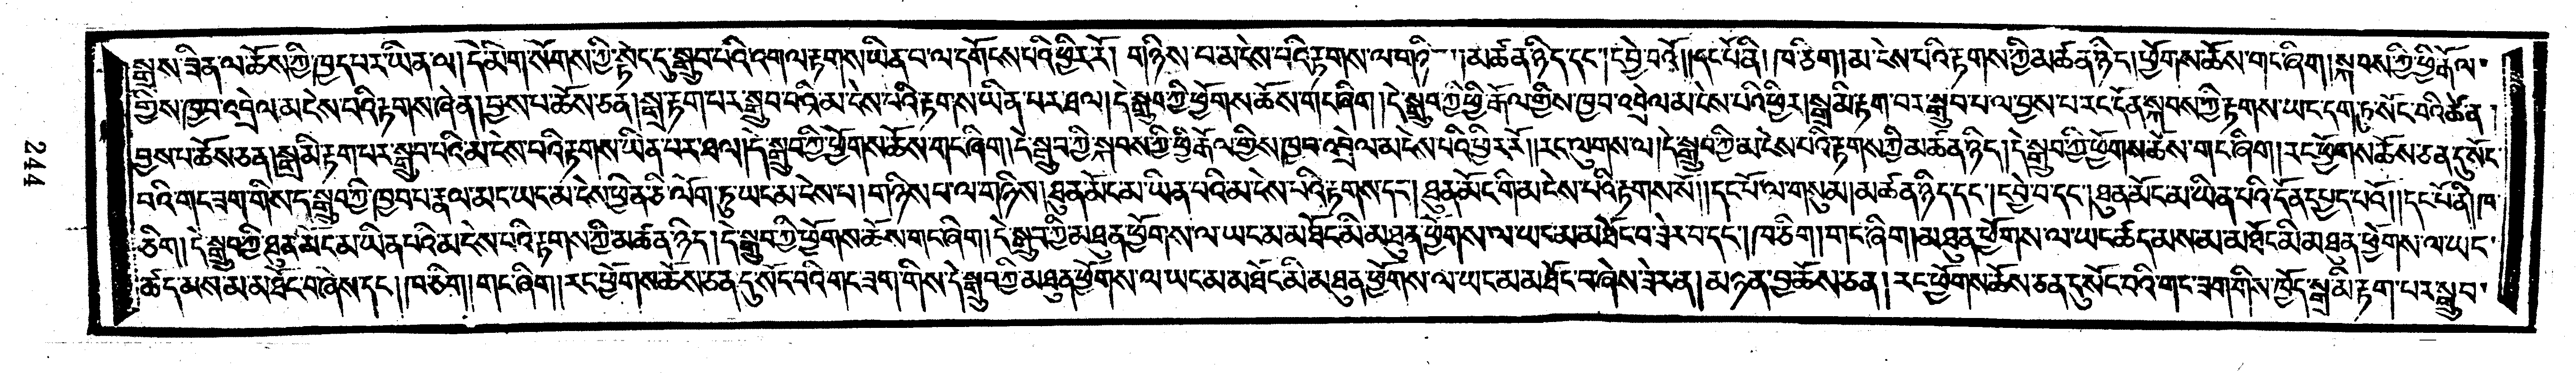སྒྲས་ཟིན་ལ་ཆོས་ཀྱི་ཁྱད་པར་ཡིན་ལ། དེ་མིག་སོགས་ཀྱི་སྟེང་དུ་སྒྲུབ་པའི་འགལ་རྟགས་ཡིན་པ་ལ་དགོངས་པའི་ཕྱིར་རོ། །གཉིས་པ་?་ངེས་པའི་རྟགས་ལ་གཉིས། མཚན་ཉིད་དང་། དབྱེ་བའོ། །དང་པོ་ནི། ཁ་ཅིག །མ་ངེས་པའི་རྟགས་ཀྱི་མཚན་ཉིད། ཕྱོགས་ཆོས་གང་ཞིག །སྐབས་ཀྱི་ཕྱི་རྒོལ་
གྱིས་ཁྱབ་འབྲེལ་མ་ངེས་པའི་རྟགས་ཞེ་ན། བྱས་པ་ཆོས་ཅན། སྒྲ་རྟག་པར་སྒྲུབ་པའི་མ་ངེས་པའི་རྟགས་ཡིན་པར་ཐལ། དེ་སྒྲུབ་ཀྱི་ཕྱོགས་ཆོས་གང་ཞིག །དེ་སྒྲུབ་ཀྱི་ཕྱི་རྒོལ་གྱིས་ཁྱབ་འབྲེལ་མ་ངེས་པའི་ཕྱིར། སྒྲ་མི་རྟག་པར་སྒྲུབ་པ་ལ་བྱས་པ་རང་དོན་སྐབས་ཀྱི་རྟགས་ཡང་དག་ཏུ་སོང་བའི་ཚེ་ན།
བྱས་པ་ཆོས་ཅན། སྒྲ་མི་རྟག་པར་སྒྲུབ་པའི་མ་ངེས་པའི་རྟགས་ཡིན་པར་ཐལ། དེ་སྒྲུབ་ཀྱི་ཕྱོགས་ཆོས་གང་ཞིག །དེ་སྒྲུབ་ཀྱི་སྐབས་ཀྱི་ཕྱི་རྒོལ་གྱིས་ཁྱབ་འབྲེལ་མ་ངེས་པའི་ཕྱིར་རོ། །རང་ལུགས་ལ། དེ་སྒྲུབ་ཀྱི་མ་ངེས་པའི་རྟགས་ཀྱི་མཚན་ཉིད། དེ་སྒྲུབ་ཀྱི་ཕྱོགས་ཆོས་གང་ཞིག །རང་ཕྱོགས་ཆོས་ཅན་དུ་སོང་
བའི་གང་ཟག་གིས་དེ་སྒྲུབ་ཀྱི་ཁྱབ་པ་རྣལ་མར་ཡང་མ་ངེས་ཕྱིན་ཅི་ལོག་ཏུ་ཡང་མ་ངེས་པ། གཉིས་པ་ལ་གཉིས། ཐུན་མོང་མ་ཡིན་པའི་མ་ངེས་པའི་རྟགས་དང་། ཐུན་མོང་གི་མ་ངེས་པའི་རྟགས་སོ། །དང་པོ་ལ་གསུམ། མཚན་ཉིད་དང་། དབྱེ་བ་དང་། ཐུན་མོང་མ་ཡིན་པའི་དོན་དཔྱད་པའོ། །དང་པོ་ནི། ཁ་
ཅིག །དེ་སྒྲུབ་ཀྱི་ཐུན་མོང་མ་ཡིན་པའི་མ་ངེས་པའི་རྟགས་ཀྱི་མཚན་ཉིད། དེ་སྒྲུབ་ཀྱི་ཕྱོགས་ཆོས་གང་ཞིག། དེ་སྒྲུབ་ཀྱི་མཐུན་ཕྱོགས་ལ་ཡང་མ་མཐོང་མི་མཐུན་ཕྱོགས་ལ་ཡང་མ་མཐོང་བ་ཟེར་བ་དང་། ཁ་ཅིག །གང་ཞིག །མཐུན་ཕྱོགས་ལ་ཡང་ཚད་མས་མ་མཐོང་མི་མཐུན་ཕྱོགས་ལ་ཡང་
ཚད་མས་མ་མཐོང་བ་ཞེས་དང་། ཁ་ཅིག །གང་ཞིག །རང་ཕྱོགས་ཆོས་ཅན་དུ་སོང་བའི་གང་ཟག་གིས་དེ་སྒྲུབ་ཀྱི་མཐུན་ཕྱོགས་ལ་ཡང་མ་མཐོང་མི་མཐུན་ཕྱོགས་ལ་ཡང་མ་མཐོང་བ་ཞེས་ཟེར་ན། མཉན་བྱ་ཆོས་ཅན། རང་ཕྱོགས་ཆོས་ཅན་དུ་སོང་བའི་གང་ཟག་གིས་ཁྱོད་སྒྲ་མི་རྟག་པར་སྒྲུབ་